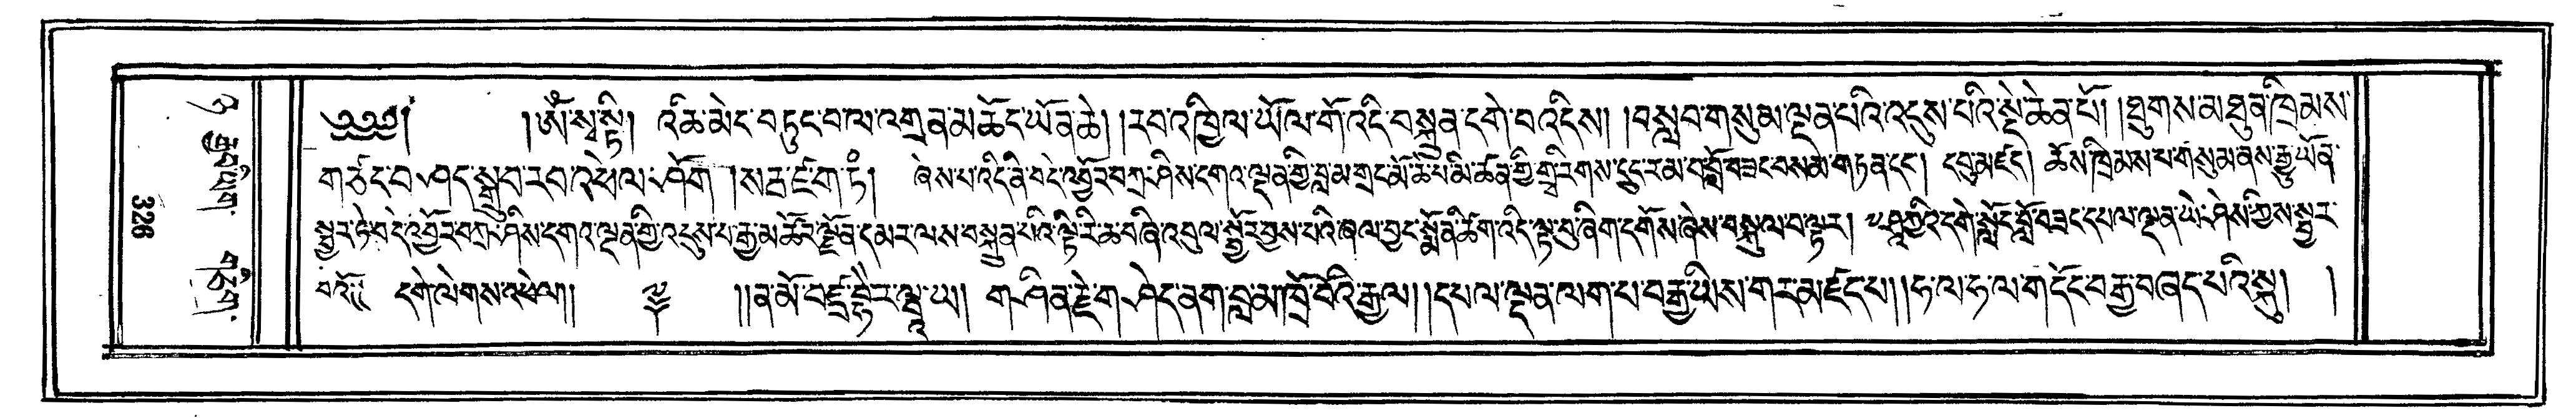༄༅༅། །ཨོཾ་སྭསྟི། འཆི་མེད་བཏུང་བ་ལ་འགྲན་མཆོད་ཡོན་ཆེ། །རབ་འཁྱིལ་ཡོལ་གོ་འདི་བ་སྐྲུན་དགེ་བ་འདིས། །བསླབ་གསུམ་ལྡན་པའི་འདུས་པའི་སྡེ་ཆེན་པོ། །ཐུགས་མཐུན་ཁྲིམས་
གཙང་བཤད་སྒྲུབ་རབ་འཕེལ་ཤོག །སརྦ་ཛ་ག་ཏཾ། ཞེས་པ་འདི་ནི་བདེ་འབྱོར་བཀྲ་ཤིས་དགའ་ལྡན་གྱི་བླ་མ་གྲང་མོ་ཆེ་བ་མི་ཚན་གྱི་གྲྭ་རིགས་དྲུང་རམ་པ་བློ་བཟང་བསམ་གཏན་དང་། དབུ་མཛད། ཆོས་ཁྲིམས་པ་གསུམ་ནས་རྒྱུ་ཡོན་
སྦྱར་ཏེ་བདེ་འབྱར་བཀྲ་ཤིས་དགའ་ལྡན་གྱི་འདུས་པ་རྒྱ་མཚོར་ལྗོན་དམར་ལས་བསྐྲུན་པའི་ལྟི་རི་ཆ་བཞི་འབུལ་སྦྱོར་བྱས་པའི་ཞལ་བྱང་སྨོན་ཚིག་འདི་ལྟ་བུ་ཞིག་དགོས་ཞེས་བསྐུ་ལ་བལྟར། ༧་ཤཱཀྱའི་དགེ་སློང་བློ་བཟང་དཔལ་ལྡན་ཡེ་ཤེས་ཀྱིས་སྦྱར་
བའོ༑༑ དགེ་ལེགས་འཕེལ།། ༈ །།ན་མོ་བཛྲ་བྷཻ་ར་ཝཱ་ཡ། གཤིན་རྗེ་གཤེད་ནག་བླ་མ་ཁྲོ་བའི་རྒྱལ། །དཔལ་ལྡན་ལག་པ་བརྒྱ་ཡིས་གར་མཛད་པ། །ཧ་ལ་ཧ་ལ་གདོང་བརྒྱ་བཞད་པའི་སྐུ། །